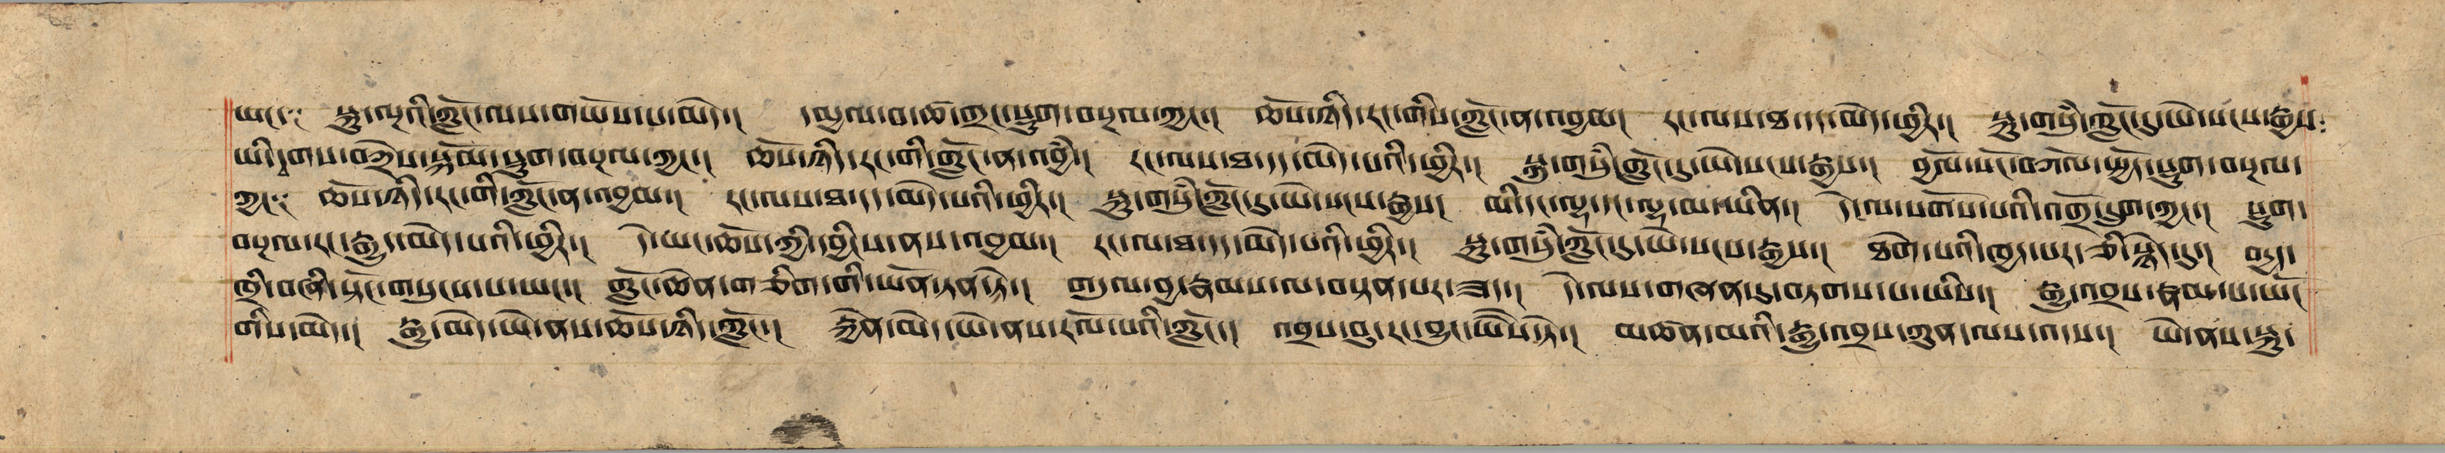ཡང༑ སྐུ་ལྔའི་ཀློང་ལས་གཡོས་པ་མེད་། དམྱལ་བ་ཚ་གྲང་སྡུག་བསྔལ་ཀྱང་། ཆོས་ཉིད་རང་གིས་ཀློང་ན་འབྱམ་། རང་ལས་ཐ་དད་མེད་ཕྱིར་། སྐུ་གསུཾ་ཀློང་དུ་ཡེ་སངས་རྒྱས
ཡི་དྭགས་བཀྲེས་སྐོམ་སྡུག་བསྔལ་ཀྱང་། ཆོས་ཉིད་རང་གི་གློང་ན་འབྱཾ་། རང་ལས་ཐ་དད་མེད་པའི་ཕྱིར་། སྐུ་གསུམ་གློང་དུ་ཡེ་སངས་རྒྱས་། བྱོལ་སོང་བཀོལ་སྤྱོད་སྡུག་བསྔལ་
ཀྱང༑ ཆོས་ཉིད་རང་གི་ཀློང་ན་འབྱམ་། རང་ལས་ཐ་དད་མེད་པའི་ཕྱིར་། སྐུ་གསུཾ་ཀློང་དུ་ཡེ་སངས་རྒྱས། མི་དང་ལྷ་དང་ལྷ་མ་ཡིན་། དེ་ལ་སོགས་པའི་འགྲོ་དྲུག་ཀྱང་། སྡུག་
བསྔལ་རང་རྒྱུད་མེད་པའི་ཕྱིར་། དེ་ཡང་ཆོས་ཀྱི་དབྱིངས་ནས་འབྱམ་། རང་ལ་ཐ་དད་མེད་པའི་ཕྱིར་། སྐུ་གསུཾ་ཀློང་དུ་ཡེ་སངས་རྒྱས་། ཐེག་པའི་ཁྱད་པར་ཅི་སྙེད་དུ་། བདྱད་
ཁྲི་བཞི་སྟོང་གསུངས་པ་ཡང་། གློང་ཆེན་གཅིག་གི་ཡོན་ཏན་ཏེ་། གདུལ་བྱ་རྣམས་ལ་བསྟན་པར་ཟད་། དེ་ལས་གཞན་དུ་བཏགས་པ་ཡིས་། རྒྱུ་འབྲས་རྣམ་པ་ཡོང་
གིས་མེད་། རྒྱུ་མེད་ཡེ་ནས་ཆོས་ཉིད་ཀློང་། རྐྱེན་མེད་ཡེ་ནས་རོལ་པའི་ཀློང་། འབྲས་བུ་རང་བྱུང་ཡཻས་ཏེ་། མཚན་མའི་རྒྱུ་འབྲས་ཀུན་ལས་འདས་། ཡེ་ནས་སྐུ་